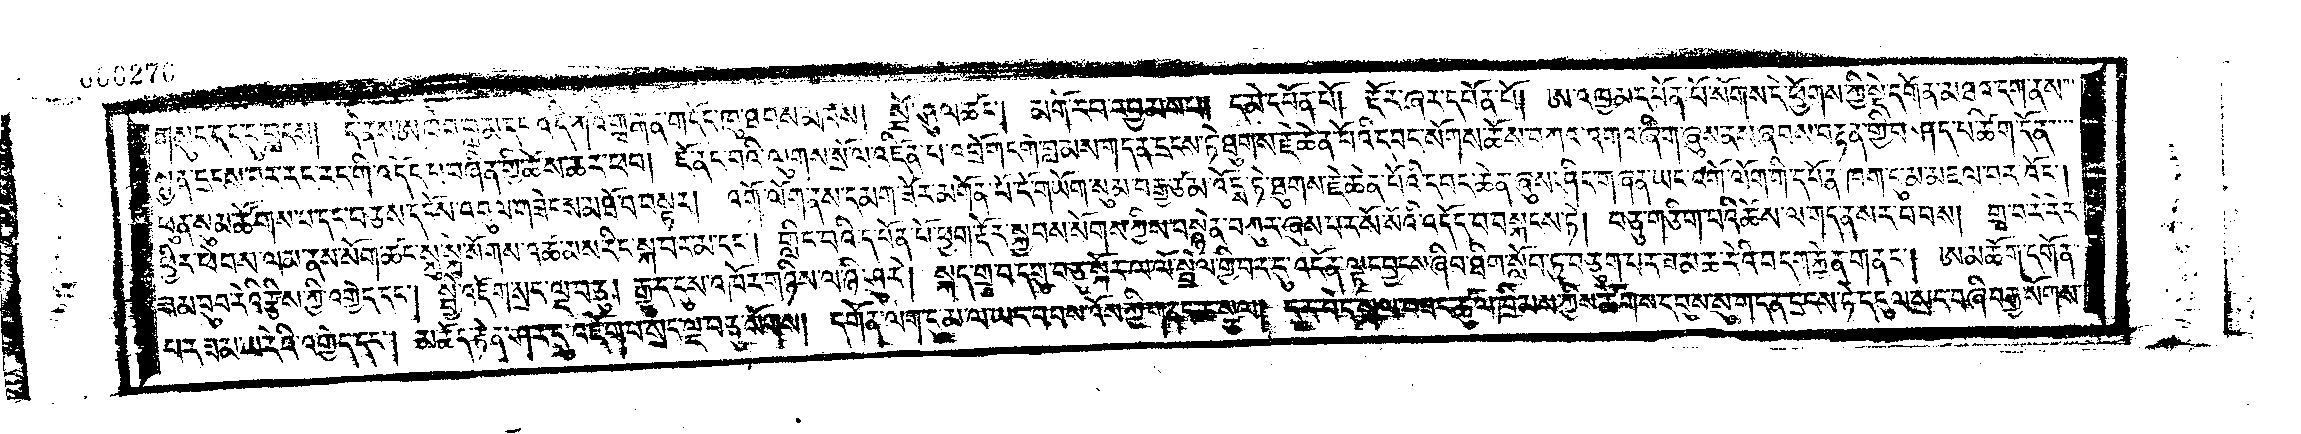གསུང་དང་དུ་བླངས། དེ་ནས་ཨ་ཁེབ་བླ་མ་དང་འདི་ཀའི་གྲྭ་རྒན་གདོང་ལུ་ཐབས་མཁས། སྔོ་ཤུལ་ཚང་། མགོ་རབ་འབྱམས་པ། དམེ་དཔོན་པོ། རྡོར་ཞར་དཔོན་པོ། ཨ་འཁྱམ་དཔོན་པོ་སོགས་དེ་ཕྱོགས་ཀྱི་སྡེ་དགོན་མཐའ་དག་ནས་
སྤྱན་དྲངས་པར་རང་རང་གི་འདོད་བ་བཞིན་གྱི་ཆོས་ཆར་ཕབ། ཇོ་ནང་བའི་ལུགས་སྲོལ་འཛིན་པ་འབྲོག་དགེ་བླ་མས་གདན་དྲངས་ཏེ་ཐུགས་རྗེ་ཆེན་པོའི་དབང་སོགས་ཆོས་བཀའ་འགའ་ཞིག་ཞུས་ནས་ཞབས་བརྟན་གྱི་བཤད་པ་ཚིག་དོན་
ཕུན་སུམ་ཚོགས་པ་དང་བཅས་དངོས་འབུལ་གཟེངས་མཐོ་བ་བསྟར། འགོ་ལོག་ནས་དམག་ཟོར་མགོན་པོ་ངོ་གཡོག་སུམ་བརྒྱ་ཙམ་འོངས་ཏེ་ཐུགས་རྗེ་ཆེན་པོའི་དབང་ཆེན་ཞུས་ཤིང་གཞན་ཡང་འགོ་ལོག་གི་དཔོན་ཁག་དུ་མ་མཇལ་བར་འོང་།
ཕྱིར་ཕེབས་ལམ་ནས་སོག་ཆིང་སྐུ་སྐྱེ་སོགས་འཚམས་རིང་སྐ་བར་མ་དང་། གླིང་བའི་དཔོན་པོ་ཕྱག་རྡོར་སྐྱབས་སོགས་ཀྱིས་བསྙེན་བཀུར་ཞུས་པར་སོ་སོའི་འདོད་པ་བསྐངས་ཏེ། བཅུ་གཅིག་པའི་ཚེས་ལ་གདན་སར་བབས། གྲྭ་བ་རེ་རེར་
ཟམ་བུབ་རེའི་རྩིས་ཀྱི་འགྱེད་དང་། སྤྱི་འཇོག་སྲང་ལྔ་བཅུ། རྒྱུད་དུས་འཁོར་གཉིས་ལ་ཉི་ཤུ་རེ། སྐད་གྲྭ་བ་དགུ་བཅུ་སྐོར་ལ་ལོ་སྦྲེལ་གྱི་བར་དུ་འདོན་ལྟ་དབྱངས་ཞིབ་ཐིག་སློབ་ཏུ་བཅུག་པར་ཟམ་ཆ་རེའི་བདག་རྐྱེན་གནང་། ཨ་མཆོག་དགོན་
པར་ཟམ་ཡ་རེའི་འགྱེད་དང་། མཆོད་རྟེན་ཤར་དུ་འཇོག་པ་སྲང་ལྔ་བཅུ་སོགས། དགོན་ལག་དུ་མ་ལ་ཡང་བབས་འོས་ཀྱི་གནང་ཆེ་སྩལ། དུར་བདེ་སྐལ་བཟང་ཚུལ་ཁྲིམས་ཀྱིས་ཚོགས་དབུས་སུ་གདན་དྲངས་ཏེ་དངུལ་སྲང་བཞི་བརྒྱ་སོག་